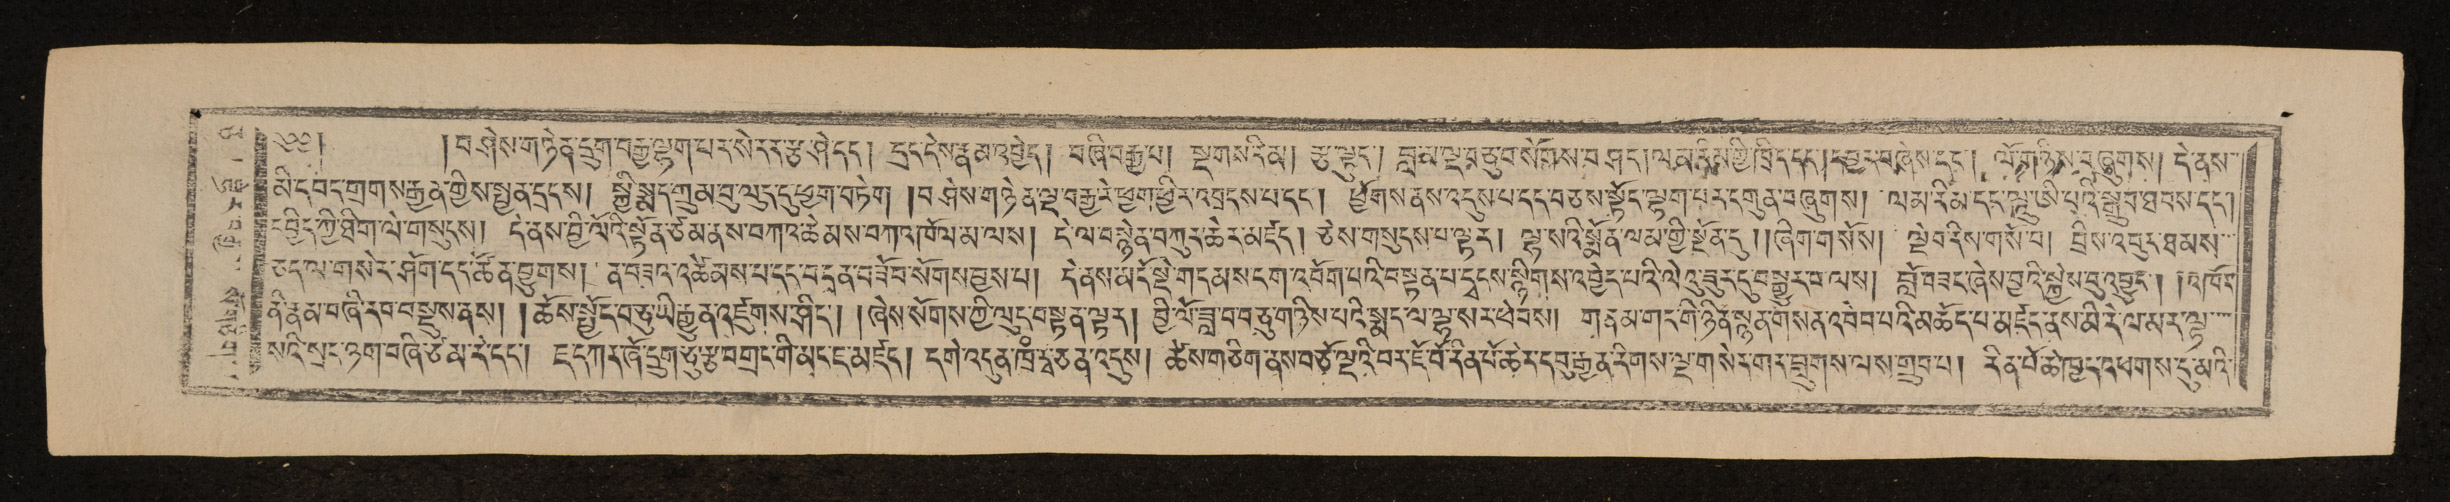༄༅། །བཤེས་གཉེན་དྲུག་བརྒྱ་ལྷག་པར་སེ་རར་རྩ་ཤེ་དང་། དྲང་ངེས་རྣམ་འབྱེད། ང་ཞི་བརྒྱ་པ། སྔགས་རིམ། རྩ་ལྟུང་། བླ་མ་ལྔ་བཅུ་པ་སོགས་བཤད། ལམ་རིམ་གྱི་ཁྲིད་དང་། དབྱར་བཞེས་དང་། ལོ་གཉིས་བཞུགས། དེ་ནས་
མི་དབང་གྲགས་རྒྱན་གྱིས་སྤྱན་དྲངས། སྐྱི་སྨད་གྲུམ་བུ་ལུང་དུ་ཕྱག་བཏེག །བཤེས་གཉེན་ལྔ་བརྒྱ་རེ་ཕྱག་ཕྱིར་འབྲངས་པ་དང་། ཕྱོགས་ནས་འདུས་པ་དང་བཅས་སྟོང་ལྷག་པར་དགུན་བཞུགས། ལམ་རིམ་དང་ལཱུ་ཨི་པའི་སྒྲུབ་ཐབས་དང་།
དཔྱིད་ཀྱི་ཐིག་ལེ་གསུངས། དེ་ནས་བྱི་ལོའི་སྟོན་ཙམ་ནས་བཀའ་ཆེམས་བཀའ་ཁོལ་མ་ལས། དེ་ལ་བསྙེན་བཀུར་ཆེར་མཛད། ཅེས་གསུངས་པ་ལྟར། ལྷ་སའི་སྨོན་ལམ་གྱི་སྔོན་དུ། ཞིག་གསོས། ལྡེབ་རིས་གསོ་བ། བྲིས་འབུར་ཐམས་
ཅད་ལ་གསེར་ཤོག་དང་ཚོན་བྱུགས། ན་བཟའ་འཚེམས་པ་དང་བ་དན་བཟོ་བ་སོགས་བྱས་པ། དེ་ནས་མདོ་སྡེ་གདམས་ངག་འབོག་པའི་བསྟན་པ་དྭངས་སྙིགས་འབྱེད་པའི་ལེའུ་ཟུར་དུ་བསྒྱུར་བ་ལས། བློ་བཟང་ཞེས་བྱའི་སྐྱེས་བུ་འབྱུང་། །འཁོར་
ནི་རྣམ་བཞི་རབ་བསྡུས་ནས། །ཆོས་སྤྱོད་བཅུ་ཡི་རྒྱུན་འཛུགས་ཤིང་། །ཞེས་སོགས་ཀྱི་ལུང་བསྟན་ལྟར། བྱི་ལོ་ཟླ་བ་བཅུ་གཉིས་པའི་སྨད་ལ་ལྷ་སར་ཕེབས། གནམ་གང་གི་ཉིན་སྙན་གསན་འབེབ་པའི་མཆོད་པ་མཛད་ནས་མི་རེ་ལ་མར་ལྷ་
སའི་སྲང་ཉག་བཞི་ཙམ་རེ་དང་། ཇ་དཀར་ཞོ་དྲུག་ཅུ་རྩ་བགྲང་གི་མང་ཇ་མཛད། དགེ་འདུན་ཁྲི་རྭ་ཅན་འདུས། ཚེས་གཅིག་ནས་བཅོ་ལྔའི་བར་ཇོ་བོ་རིན་པོ་ཆེར་དབུ་རྒྱན་རིགས་ལྔ་གསེར་གར་བླུགས་ལས་གྲུབ་པ། རིན་པོ་ཆེ་ཁྱད་འཕགས་དུ་མའི་